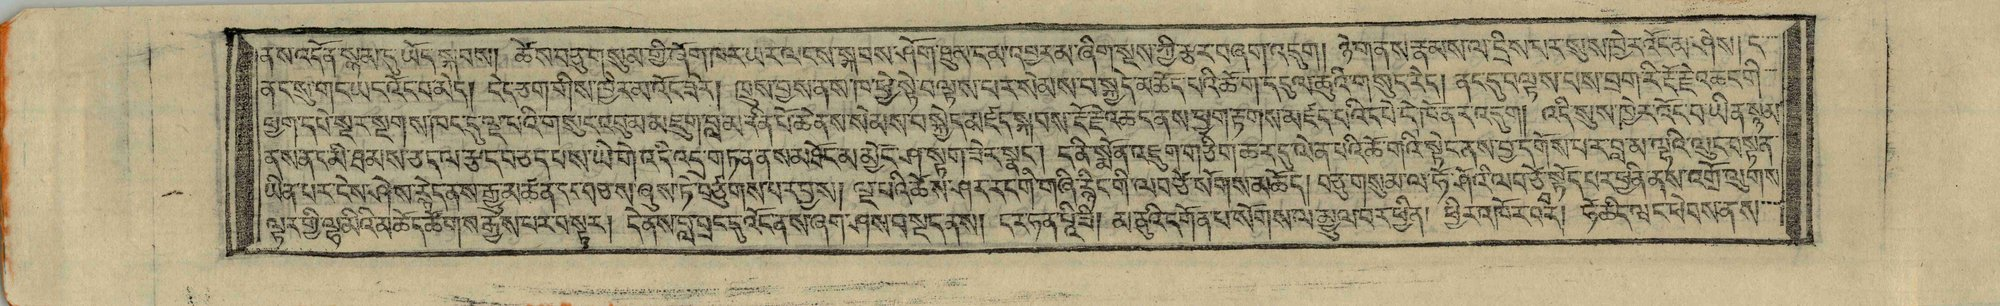ནས་འདོན་སྙམ་དུ་ཡོད་སྐབས། ཚེས་བཅུ་གསུམ་གྱི་ཞོག་ཁར་ཡར་ལངས་སྐབས་ཤོག་ཐུམ་ངམ་འབྱར་མ་ཞིག་སྔས་ཀྱི་རྩར་བཞག་འདུག །ཉེ་གནས་རྣམས་ལ་དྲིས་པར་སུས་ཁྱེར་འོང་མ་ཤེས། ང་
ནང་སུ་གང་ཡང་འོང་བ་མེད། ངེད་ཅག་གིས་ཁྱེར་མ་འོང་ཟེར། ཁྲུས་བྱས་ནས་ཁ་ཕྱེ་སྟེ་བལྟས་པར་སེམས་བསྐྱེད་མཆོད་པའི་ཆོ་ག་དངུལ་ཆུའི་གསུང་རེད། ནང་དུ་བལྟས་པས་བྲག་རི་རྡོ་རྗེ་འཆང་གི་
ཕྱག་དཔེ་སྔར་སྔགས་ཁང་དུ་ལྔ་པའི་གསུང་འབུམ་མཇུག་བླ་མ་རིན་པོ་ཆེ་ནས་སེམས་བསྐྱེད་མཛད་སྐབས་རྡོ་རྗེ་འཆང་ནས་ཕྱག་རྟགས་མཛད་པའི་དཔེ་དེ་ཁོ་ནར་འདུག །འདི་སུས་ཁྱེར་འོང་བ་ཡིན་སྙམ་
ནས་ནང་མི་ཐམས་ཅད་ལ་རྩད་བཅད་པས་ཡི་གེ་འདི་འདྲ་གཏན་ནས་མཐོང་མ་མྱོང་ཤ་སྟག་ཟེར་སྣང་། ད་ནི་སྨོན་འཇུག་གཅིག་ཆར་དུ་ལེན་པའི་ཆོ་གའི་སྟེང་ནས་བྱ་དགོས་པར་བླ་མ་ལྷའི་ལུང་བསྟན་
ཡིན་པར་ངེས་ཤེས་རྙེད་ནས་རྒྱུ་མཚན་དང་བཅས་ཞུས་ཏེ་བཙུགས་པར་བྱས། ལྔ་པའི་ཚེས་ཤར་རང་གི་གཞི་རྙིང་གི་ལབ་ཙེ་སོགས་མཆོད། བཅུ་གསུམ་ལ་ཧོ་ཤོའི་ལབ་ཙེ་བསྟོད་པར་ཕྱིན་ནས་འགྲོ་ལུགས་
ལྟར་གྱི་ལྷ་མིའི་མཆོད་ཚོགས་རྒྱས་པར་བསྟར། དེ་ནས་བླ་བྲང་དུ་འོང་ནས་ཞག་ཤས་བསྡད་ནས། དར་ཧན་པཱི་ཟི། མ་ནུའི་དགོན་པ་སོགས་ལ་མྱུལ་བར་ཕྱིན། ཕྱིར་འཁོར་བར། ཧོ་ཆིད་ཝང་ཕེབས་ནས་